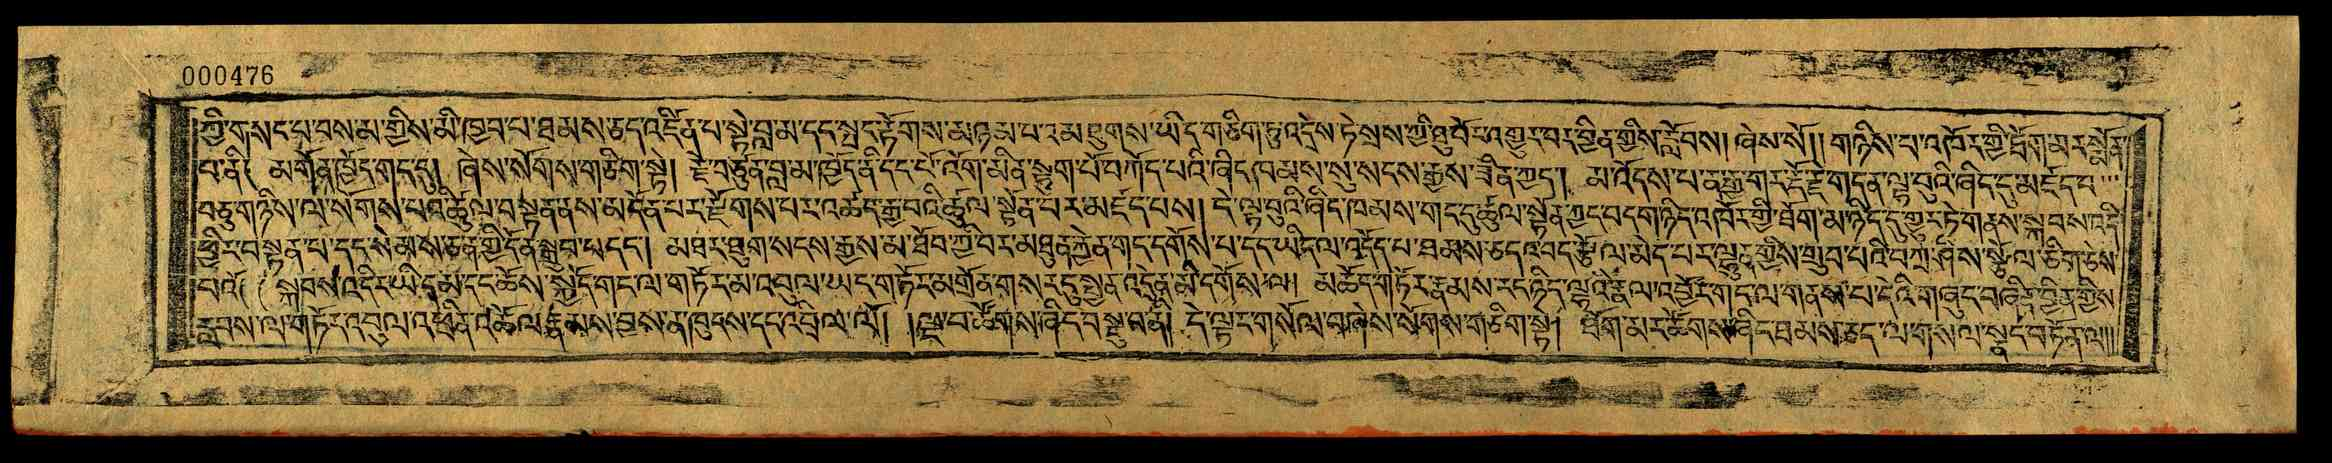ཀྱི་གསང་བ་བསམ་གྱིས་མི་ཁྱབ་པ་ཐམས་ཅད་འཛིན་པ་སྟེ་བླ་མ་དང་སྤང་རྟོགས་མཉམ་པའམ་ཐུགས་ཡིད་གཅིག་ཏུ་འདྲེས་ཏེ་སྲས་ཀྱི་ཐུ་བོར་འགྱུར་བར་བྱིན་གྱིས་རློབས། ཞེས་སོ། གཉིས་པ་འཁོར་གྱི་ཐོག་མར་སྨོན་
པ་ནི༑ མགོན་ཁྱོད་གང་དུ། ཞེས་སོགས་གཅིག་སྟེ། རྗེ་བཙུན་བླ་མ་ཁྱོད་ནི་དང་པོ་འོག་མིན་སྟུག་པོ་བཀོད་པའི་ཞིང་ཁམས་སུ་སངས་རྒྱས་ཟིན་ཀྱང་། མ་འོངས་པ་ན་རྒྱ་གར་རྡོ་རྗེ་གདན་ལྟ་བུའི་ཞིང་དུ་མཛད་པ་
བཅུ་གཉིས་ལ་སོགས་པའི་ཚུལ་བསྟན་ནས་མངོན་པར་རྫོགས་པར་འཚང་རྒྱ་བའི་ཚུལ་སྟོན་པར་མཛད་པས། དེ་ལྟ་བུའི་ཞིང་ཁམས་གང་དུ་ཚུལ་སྟོན་ཀྱང་བདག་ཉིད་འཁོར་གྱི་ཐོག་མ་ཉིད་དུ་གྱུར་ཏེ་གནས་སྐབས་འདི་
ཕྱིར་བསྟན་པ་དང་སེམས་ཅན་གྱི་དོན་སྒྲུབ་པ་དང་། མཐར་ཐུག་སངས་རྒྱས་མ་ཐོབ་ཀྱི་བར་མཐུན་རྐྱེན་གང་དགོས་པ་དང་ཡིད་ལ་འདོད་པ་ཐམས་ཅད་འབད་རྩོལ་མེད་པར་ལྷུན་གྱིས་གྲུབ་པའི་བཀྲ་ཤིས་སྩོལ་ཅིག་ཅེས་
པའོ༑ ༑སྐབས་འདིར་ཡི་དམ་དང་ཆོས་སྐྱོང་གང་ལ་གཏོར་མ་འབུལ་ཡང་གཏོར་མགྲོན་གསར་དུ་སྤྱན་འདྲེན་མི་དགོས་ལ། མཆོད་གཏོར་རྣམས་རང་ཉིད་ལྷའི་རྣལ་འབྱོར་གང་ལ་གནས་པ་དེའི་གཞུང་བཞིན་བྱིན་གྱིས་
རླབས་ལ་གཏོར་འབུལ་འཕྲིན་འཆོལ་རྣམས་བྱས་ན་ཁུངས་དང་འབྲེལ་ལོ། །ལྔ་པ་ཚོགས་ཞིང་བསྡུ་བ་ནི། དེ་ལྟར་གསོལ་བ་ཞེས་སོགས་གཅིག་སྟེ། ཐོག་མར་ཚོགས་ཞིང་ཐམས་ཅད་ལ་གསལ་སྣང་བཏོན་ལ།།